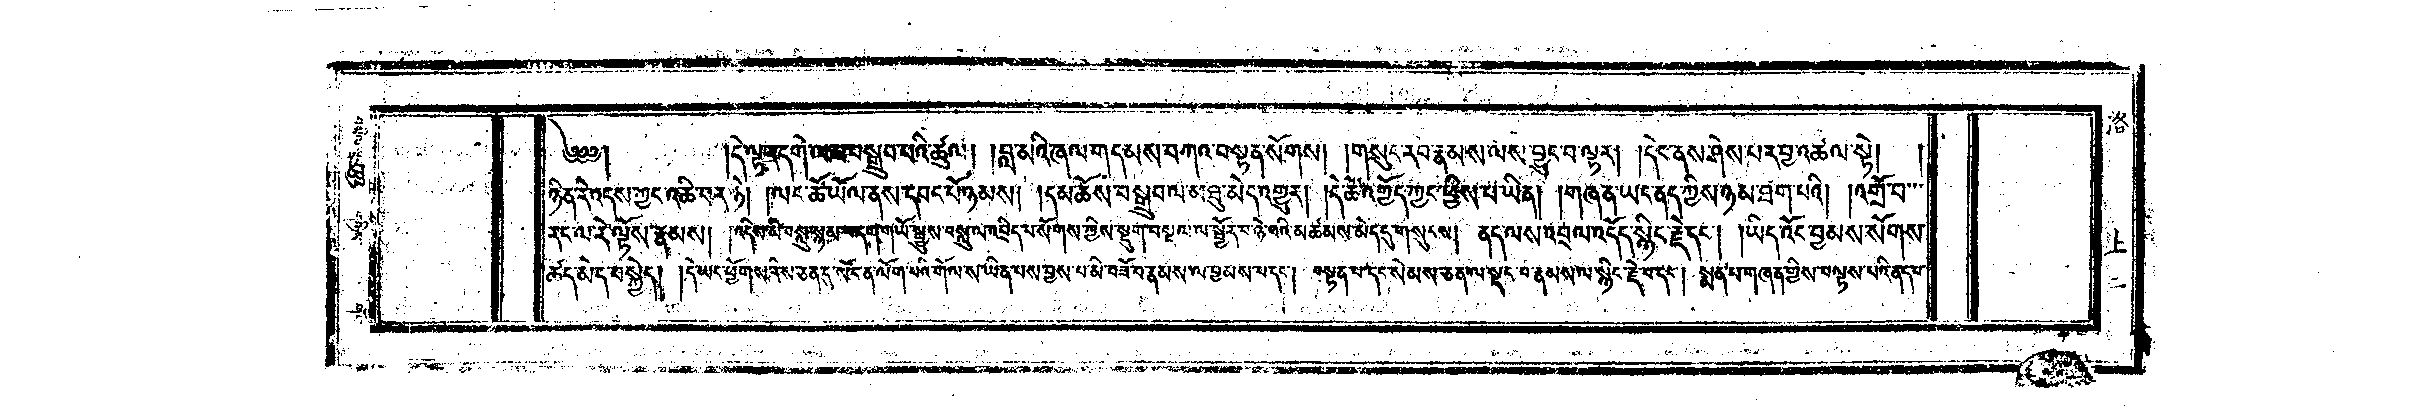༄༅། །དེ་ལྟར་དགེ་ལམ་བསྒྲུབ་པའི་ཚུལ། །བླ་མའི་ཞལ་གདམས་བཀའ་བསྟན་སོགས། །གསུང་རབ་རྣམས་ལས་བྱུང་བ་ལྟར། །དེང་ནས་ཤེས་པར་བྱ་འཚལ་སྟེ། །
ཉིན་རེ་འདས་ཀྱང་འཆི་བར་ཉེ། །ལང་ཚོ་ཡོལ་ནས་དབང་པོ་ཉམས། །དམ་ཆོས་བསྒྲུབ་ལ་མཐུ་མེད་འགྱུར། །དེ་ཚེ་འགྱོད་ཀྱང་ཕྱིས་པ་ཡིན། །གཞན་ཡང་ནད་ཀྱིས་ཉམ་ཐག་པའི། །འགྲོ་བ་
རང་ལ་རེ་ལྟོས་རྣམས། །འདིས་མི་བསླུ་སྙམ་པ་དག་གཡོ་སྒྱུས་བསླུ་ལ་འབྲིད་པ་སོགས་ཀྱིས་སྡུག་བསྔལ་ལ་སྤྱོད་པ་ཉེ་བའི་མཚམས་མེད་དུ་གསུངས། ནད་ལས་འབྲལ་འདོད་སྙིང་རྗེ་དང་། །ཡིད་འོང་བྱམས་སོགས་
ཚད་མེད་བསྐྱེད། །དེ་ཡང་ཕྱོགས་རིས་ཅན་དུ་སོང་ན་ལོག་པའི་གོལ་ས་ཡིན་པས་བྱས་པ་མི་བཟོ་བ་རྣམས་ལ་བྱམས་པ་དང་། བསྟན་པ་དང་སེམས་ཅན་ལ་སྡང་བ་རྣམས་ལ་སྙིང་རྗེ་བ་དང་། སྨན་པ་གཞན་གྱིས་བལྟས་པའི་ནད་པ་